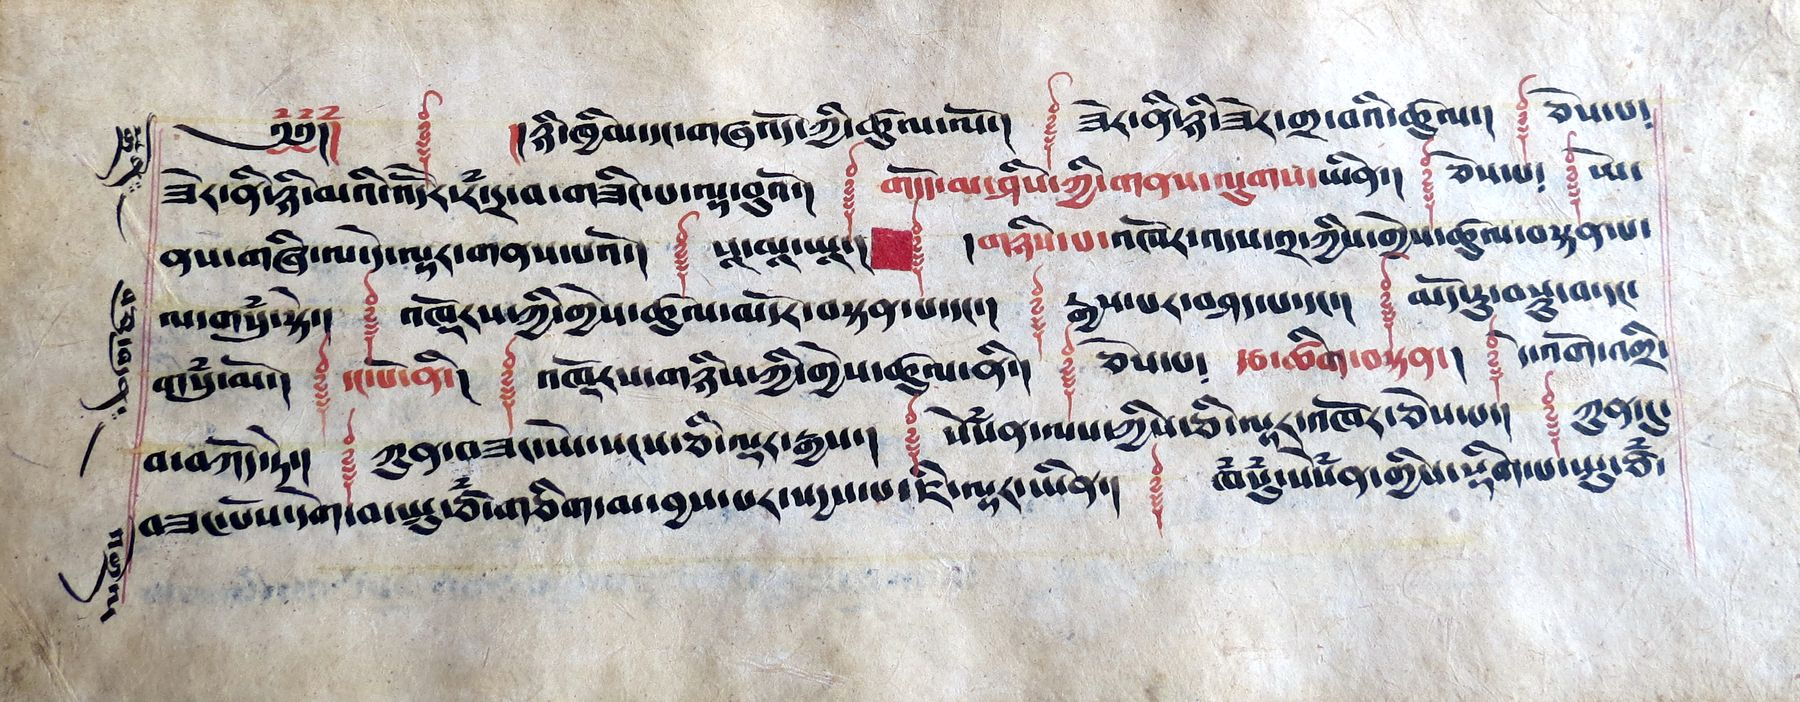། ཉི་ཁྱིམ་དང་གཞའ་འོད་ཀྱི་ཚུལ་ལོ། ཟེར་ནི་ཉི་ཟེར་དྲ་བའི་ཚུལ་ ཞེས་པས། 
ཟེར་ནི་ཉི་མའི་འོད་ཟེར་རམ་དྲ་བ་གཟིངས་པ་ལྟ་བུའོ། །གདོད་མ་གཤིས་ཀྱི་གནས་ལུགས་ཡིན། ཞེས་པས་ཡེ་
ནས་གཞི་ལ་དེ་ལྟར་གནས་པའོ། །སཱ་མཱ་ཡཱ།ཆ༽ གཉིས་པ་འཁོར་འདས་གཉིས་ཀྱི་གྱེས་ཚུལ་བསྟན་པ་
ལ་གསུམ་སྟེ། འཁོར་འདས་ཀྱི་གྱེས་ཚུལ་མདོར་བསྟན་པ་དང་། རྒྱས་པར་བཤད་པ་དང་། མདོ་རུ་བསྡུ་བ་དང་
གསུམ་མོ། །དང་པོ་ནི། འཁོར་འདས་གཉིས་ཀྱི་གྱེས་ཚུལ་ནི། །ཞེས་པས་རྩ་ཚིག་བསྟན། དེ་འོག་གི་དྲི་
བ་བཀོད་དེ། ཀུན་བཟང་ཡེ་སངས་ཇི་ལྟར་རྒྱས། སེམས་ཅན་ལས་ཀྱིས་ཇི་ལྟར་འཁོར། །ཞེས་པས། ཀུན་ཏུ་
བཟང་པོས་དགེ་བ་སྤུ་ཙམ་ཞིག་མ་བྱས་པར་སངས་རྒྱས་པ་ཅི་ལྟར་ཡིན། ཁམས་གསུམ་སེམས་ཅན་གྱིས་སྡིག་པ་སྤུ་ཙམ་